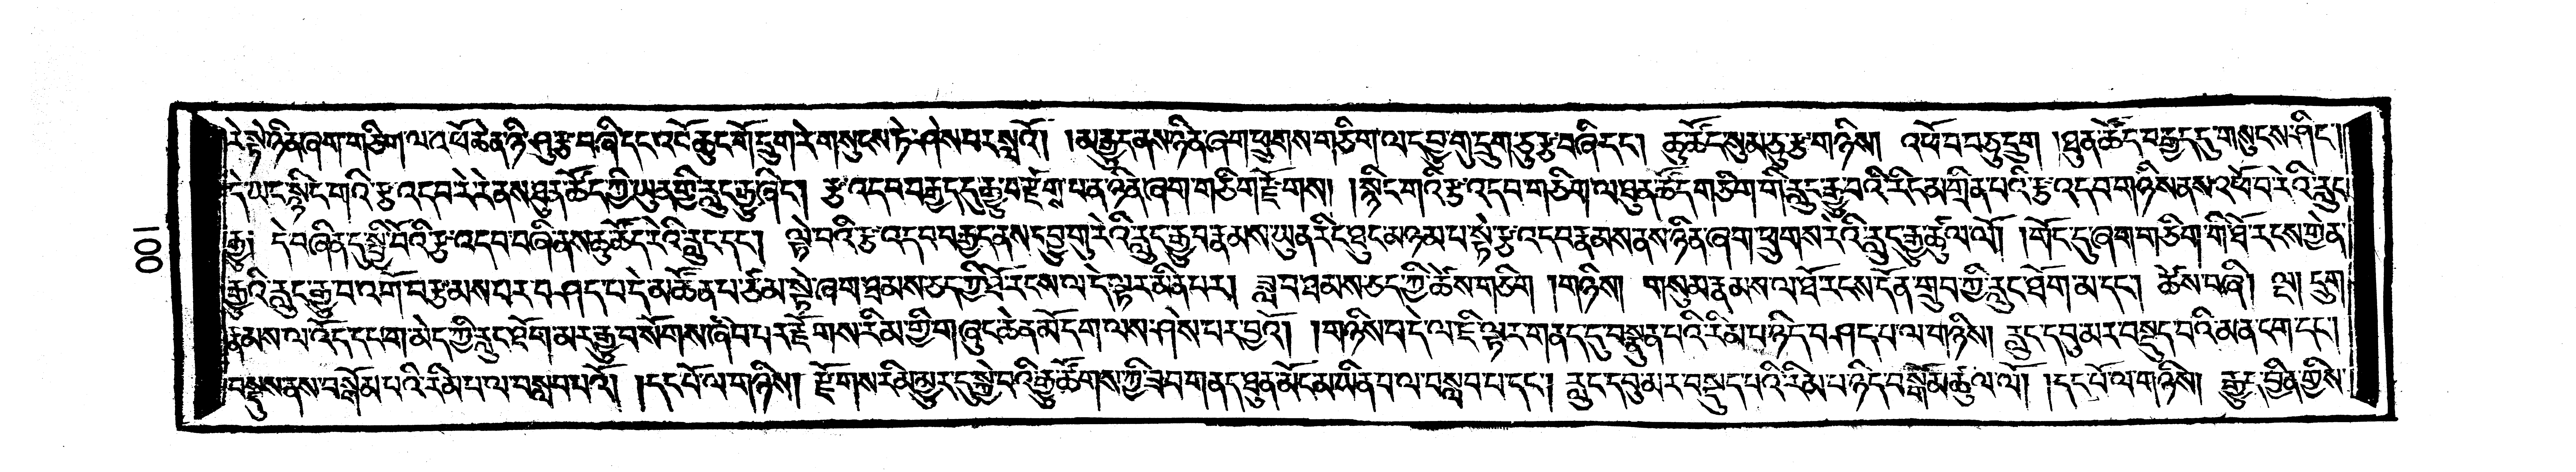རེ་སྟེ་ཉིན་ཞག་གཅིག་ལ་འཕོ་ཆེན་ཉི་ཤུ་རྩ་བཞི་དང་འཕོ་ཆུང་གོ་དྲུག་རེ་གསུངས་ཏེ་ཤེས་པར་སླའོ། །མ་རྒྱུད་ནས་ཉིན་ཞག་ཕྲུགས་གཅིག་ལ་དབྱུ་གུ་དྲུག་ཅུ་རྩ་བཞི་དང་། ཆུ་ཚོད་སུམ་ཅུ་རྩ་གཉིས། འཕོ་བ་བཅུ་དྲུག །ཐུན་ཚོད་བརྒྱད་དུ་གསུངས་ཤིང་།
དེ་ཡང་སྙིང་གའི་རྩ་འདབ་རེར་ནས་ཐུན་ཚོད་ཀྱི་ཡུན་གྱི་རླུང་རྒྱུ་ཞིང་། རྩ་འདབ་བརྒྱད་དུ་རྒྱུ་བ་རྫོགས་པ་ན་ཉིན་ཞག་གཅིག་རྫོགས། སྙིང་གའི་རྩ་འདབ་གཅིག་ལ་ཐུན་ཚོད་གཅིག་གི་རླུང་རྒྱུ་བའི་རིང་མགྲིན་པའི་རྩ་འདབ་གཉིས་ནས་འཕོ་བ་རེའི་རླུང་
རྒྱུ༑ དེ་བཞིན་དུ་སྤྱི་བོའི་རྩ་འདབ་བཞི་ནས་ཆུ་ཚོད་རེའི་རླུང་དང་། ལྟེ་བའི་རྩ་འདབ་བརྒྱད་ནས་དབྱུ་གུ་རེའི་རླུང་རྒྱུ་བ་རྣམས་ཡུན་རིང་ཐུང་མཉམ་པ་སྟེ་རྩ་འདབ་རྣམས་ནས་ཉིན་ཞག་ཕྲུགས་རེའི་རླུང་རྒྱུ་ཚུལ་ལོ། །གོང་དུ་ཞག་གཅིག་གི་ཐོ་རངས་གྱེན་
རྒྱུའི་རླུང་རྒྱུ་བ་འགོ་བརྩམས་པར་བཤད་པ་དེ་མཚེན་པ་ཙམ་སྟེ་ཞག་ཐམས་ཅད་ཀྱི་ཐོ་རངས་ལ་དེ་ལྟར་མིན་པར། ཟླ་བ་ཐམས་ཅད་ཀྱི་ཚེས་གཅིག །གཉིས། གསུམ་རྣམས་ལ་ཐོ་རངས་དོན་གྲུབ་ཀྱི་རླུང་ཐོག་མ་དང་། ཚེས་བཞི། ལྔ། དྲུག།
རྣམས་ལ་འོད་དཔག་མེད་ཀྱི་རླུང་ཐོག་མར་རྒྱུ་བ་སོགས་ཞིབ་པར་རྫོགས་རིམ་གྱི་གཞུང་ཆེན་མོ་དག་ལས་ཤེས་པར་བྱའོ། །གཉིས་པ་དེ་ལ་ཇི་ལྟར་གནད་དུ་བསྣུན་པའི་རིམ་པ་ཉིད་བཤད་པ་ལ་གཉིས། རླུང་དབུ་མར་སྡུད་པའི་མན་ངག་དང་།
བསྡུས་ནས་བསྒོམ་པའི་རིམ་པ་ལ་བསླབ་པའོ། །དང་པོ་ལ་གཉིས། རྫོགས་རིམ་མྱུར་དུ་སྐྱེ་བའི་རྒྱུ་ཚོགས་ཀྱི་ཟབ་གནད་ཐུན་མོང་མ་ཡིན་པ་ལ་བསླབ་པ་དང་། རླུང་དབུ་མར་སྡུད་པའི་རིམ་པ་ཉིད་བསྒོམ་ཚུལ་ལོ། །དང་པོ་ལ་གཉིས། རྒྱུད་བྱིན་གྱི་